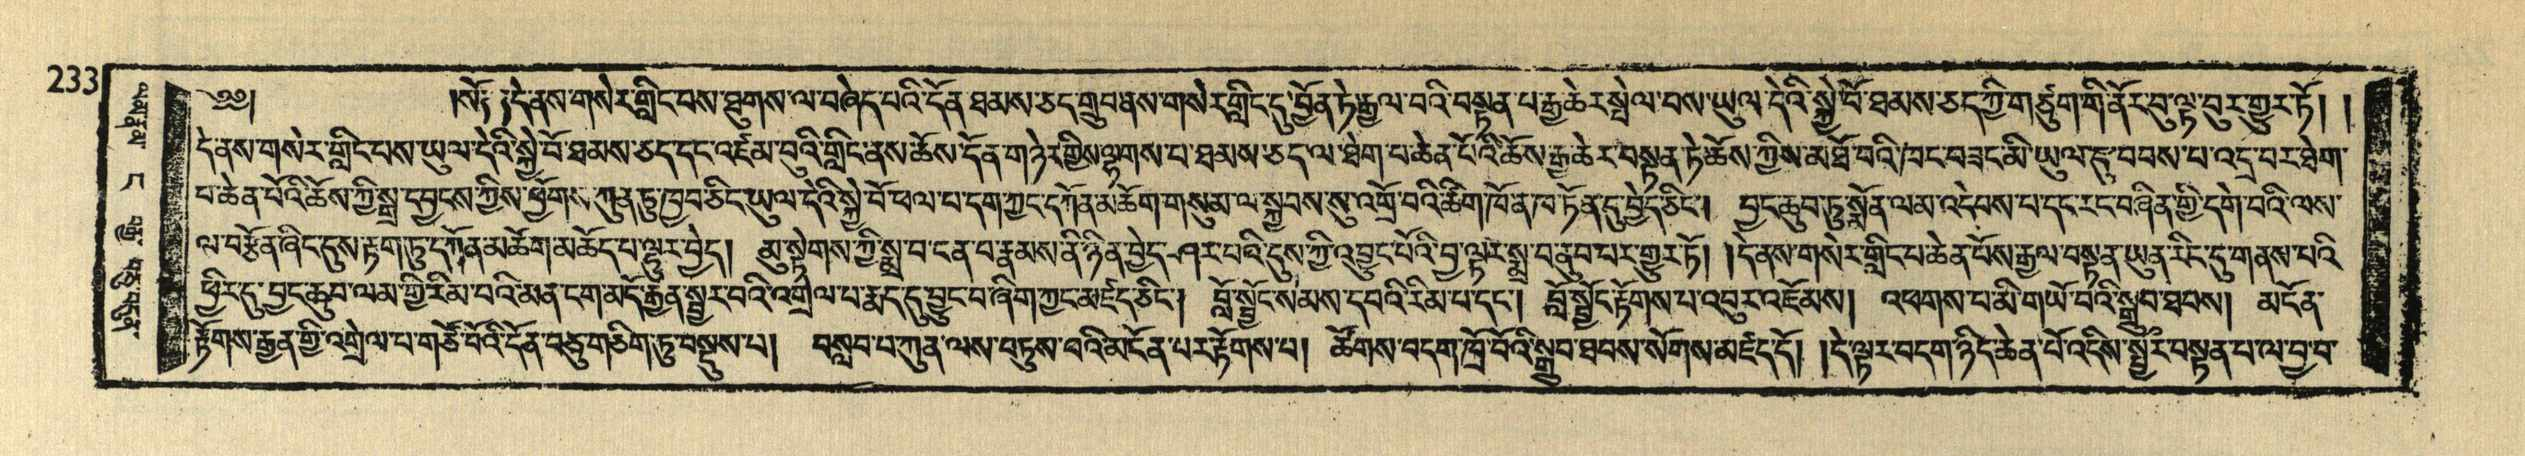༄༅། །སོ༑ ༑དེ་ནས་གསེར་གླིང་བས་ཐུགས་ལ་བཞེད་པའི་དོན་ཐམས་ཅད་གྲུབ་ནས་གསེར་གླིང་དུ་བྱོན་ཏེ་རྒྱལ་བའི་བསྟན་པ་རྒྱ་ཆེར་སྤེལ་བས་ཡུལ་དེའི་སྐྱེ་བོ་ཐམས་ཅད་ཀྱི་གཙུག་གི་ནོར་བུ་ལྟ་བུར་གྱུར་ཏོ། །
དེ་ནས་གསེར་གླིང་པས་ཡུལ་དེའི་སྐྱེ་བོ་ཐམས་ཅད་དང་འཛམ་བུའི་གླིང་ནས་ཆོས་དོན་གཉེར་གྱིས་ལྷགས་པ་ཐམས་ཅད་ལ་ཐེག་པ་ཆེན་པོའི་ཆོས་རྒྱ་ཆེར་བསྟན་ཏེ་ཆོས་ཀྱིས་མཐོ་བའི་ཁང་བཟང་མི་ཡུལ་དུ་བབས་པ་འདྲ་བར་ཐེག་
པ་ཆེན་པོའི་ཆོས་ཀྱི་སྒྲ་དབྱངས་ཀྱིས་ཕྱོགས་ཀུན་ཏུ་ཁྱབ་ཅིང་ཡུལ་དེའི་སྐྱེ་བོ་ཕལ་པ་དག་ཀྱང་དཀོན་མཆོག་གསུམ་ལ་སྐྱབས་སུ་འགྲོ་བའི་ཚིག་ཁོ་ན་ཁ་ཏོན་དུ་བྱེད་ཅིང་། བྱང་ཆུབ་ཏུ་སྨོན་ལམ་འདེབས་པ་དང་རང་བཞིན་གྱི་དགེ་བའི་ལས་
ལ་བརྩོན་ཞིང་དུས་རྟག་ཏུ་དཀོན་མཆོག་མཆོད་པ་ལྷུར་བྱེད། མུ་སྟེགས་ཀྱི་སྨྲ་བ་ངན་བ་རྣམས་ནི་ཉིན་བྱེད་ཤར་པའི་དུས་ཀྱི་འབྱུང་པོའི་བྱ་ལྟར་སྨྲ་བ་ནུབ་པར་གྱུར་ཏོ། །དེ་ནས་གསེར་གླིང་པ་ཆེན་པོས་རྒྱལ་བསྟན་ཡུན་རིང་དུ་གནས་པའི་
ཕྱིར་དུ་བྱང་ཆུབ་ལམ་གྱི་རིམ་བའི་མན་ངག་མདོ་རྒྱན་སྦྱར་བའི་འགྲེལ་པ་རྨད་དུ་བྱུང་བ་ཞིག་ཀྱང་མཛད་ཅིང་། བློ་སྦྱོང་སེམས་དཔའི་རིམ་པ་དང་། བློ་སྦྱོང་རྟོགས་པ་འབུར་འཇོམས། འཕགས་པ་མི་གཡོ་བའི་སྒྲུབ་ཐབས། མངོན་
རྟོགས་རྒྱན་གྱི་འགྲེལ་པ་གཙོ་བོའི་དོན་བཅུ་གཅིག་ཏུ་བསྡུས་པ། བསླབ་པ་ཀུན་ལས་བཏུས་བའི་མངོན་པར་རྟོགས་པ། ཚོགས་བདག་ཁྲོ་བོའི་སྒྲུབ་ཐབས་སོགས་མཛད་དོ། །དེ་ལྟར་བདག་ཉིད་ཆེན་པོ་འདིས་སྤྱྀར་བསྟན་པ་ལ་བྱ་བ་